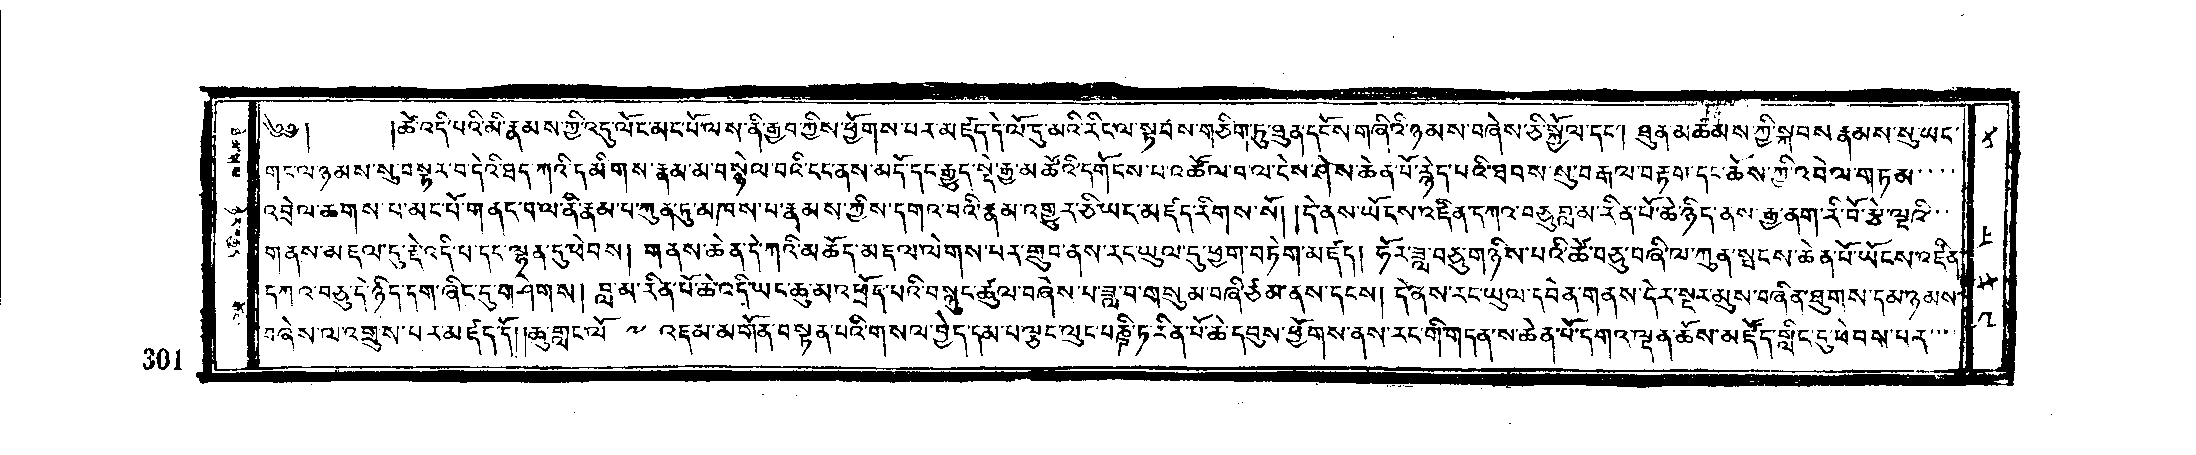༄༅། །ཚེ་འདི་པའི་མི་རྣམས་ཀྱི་འདུ་ལོང་མང་པོ་ལས་ནི་རྒྱབ་ཀྱིས་ཕྱོགས་པར་མཛད་དེ་ལོ་དུ་མའི་རིང་ལ་སྟབས་གཅིག་ཏུ་ཐུན་དངོས་གཞིའི་ཉམས་བཞེས་ཅི་སྐྱོལ་དང་། ཐུན་མཚམས་ཀྱི་སྐབས་རྣམས་སུ་ཡང་
གང་ལ་ཉམས་སུ་བསྟར་བ་དེའི་ཐད་ཀའི་དམིགས་རྣམ་མ་བསྙེལ་བའི་ངང་ནས་མདོ་དང་རྒྱུད་སྡེ་རྒྱ་མཚོའི་དགོངས་པ་འཚོལ་བ་ལ་ངེས་ཤེས་ཆེན་པོ་རྙེད་པའི་ཐབས་སུ་བརྒལ་བརྟག་དང་ཆོས་ཀྱི་འབེལ་གཏམ་
འབྲེལ་ཆགས་པ་མང་པོ་གནང་བ་ལ་ནི་རྣམ་པ་ཀུན་ཏུ་མཁས་པ་རྣམས་ཀྱིས་དགའ་བའི་རྣམ་འགྱུར་ཅི་ཡང་མཛད་རིགས་སོ། །དེ་ནས་ཡོངས་འཛིན་དཀའ་བཅུ་བླ་མ་རིན་པོ་ཆེ་ཉིད་ནས་རྒྱ་ནག་རི་བོ་རྩེ་ལྔའི་
གནས་མཇལ་དུ་རྗེ་འདི་པ་དང་ལྷན་དུ་ཕེབས། གནས་ཆེན་དེ་ཀའི་མཆོད་མཇལ་ལེགས་པར་གྲུབ་ནས་རང་ཡུལ་དུ་ཕྱག་བཏེག་མཛད། ཧོར་ཟླ་བཅུ་གཉིས་པའི་ཚེ་བཅུ་བཞི་ལ་ཀུན་སྤངས་ཆེན་པོ་ཡོངས་འཛིན་
དཀའ་བཅུ་དེ་ཉིད་དག་ཞིང་དུ་གཤེགས། བླ་མ་རིན་པོ་ཆེ་འདི་ཡང་ཆུ་མ་འཕྲོད་པའི་བསྙུང་ཚུལ་བཞེས་པ་ཟླ་བ་གསུམ་བཞི་ཙམ་ནས་དངས། དེ་ནས་རང་ཡུལ་དབེན་གནས་དེར་སྔར་མུས་བཞིན་ཐུགས་དམ་ཉམས་
བཞེས་ལ་འགྲུས་པར་མཛད་དོ། །ཆུ་གླང་ལོ ༧་འཇམ་མགོན་བསྟན་པའི་གསལ་བྱེད་དམ་པ་ལྕང་ལུང་པཎྜི་ཏ་རིན་པོ་ཆེ་དབུས་ཕྱོགས་ནས་རང་གི་གདན་ས་ཆེན་པོ་དགའ་ལྡན་ཆོས་མཛོད་གླིང་དུ་ཕེབས་པར་